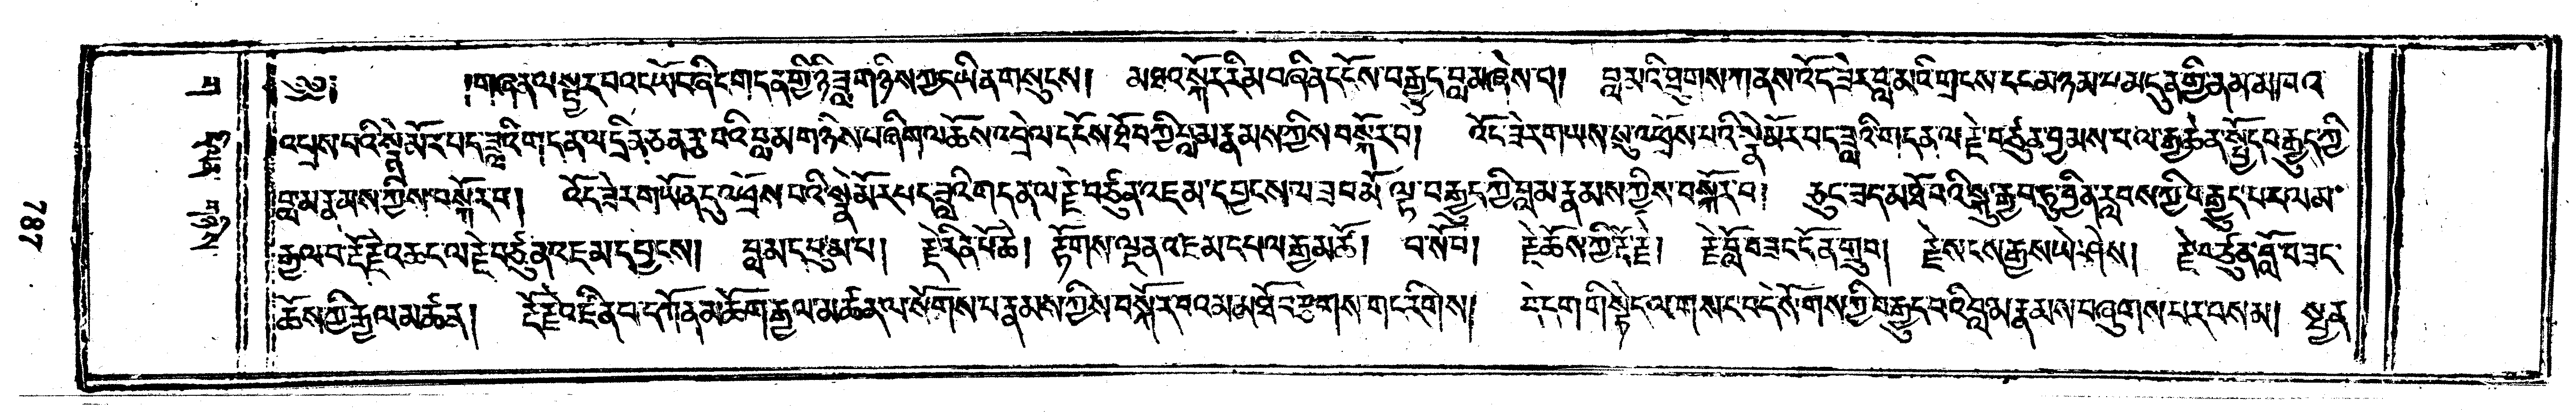༄༅། །གཞན་ལ་སྦྱར་བའང་ཡོང་ཞིང་གདན་གྱི་ཉི་ཟླ་གཉིས་ཀྱང་ཡིན་གསུངས། མཐའ་སྐོར་རིམ་བཞིན་དངོས་བརྒྱུད་བླ་མ་ཞེས་པ། བླ་མའི་ཐུགས་ཀ་ནས་འོད་ཟེར་བླ་མའི་གྲངས་དང་མཉམ་པ་མདུན་གྱི་ནམ་མཁའ་
འབྲས་པའི་སྣེ་མོར་པད་ཟླའི་གདན་ལ་དྲིན་ཅན་རྩ་བའི་བླ་མ་གཉིས་པ་ཞིག་ལ་ཆོས་འབྲེལ་དངོས་ཐོབ་ཀྱི་བླ་མ་རྣམས་ཀྱིས་བསྐོར་བ། འོད་ཟེར་གཡས་སུ་འཕྲོས་པའི་སྣེ་མོར་པད་ཟླའི་གདན་ལ་རྗེ་བཙུན་བྱམས་པ་ལ་རྒྱ་ཆེན་སྤྱོད་བརྒྱུད་ཀྱི་
བླ་མ་རྣམས་ཀྱིས་བསྐོར་བ། འོད་ཟེར་གཡོན་དུ་འཕྲོས་པའི་སྣ་མོར་པད་ཟླའི་གདན་ལ་རྗེ་བཙུན་འཇམ་དབྱངས་ལ་ཟབ་མོ་ལྟ་བརྒྱུད་ཀྱི་བླ་མ་རྣམས་ཀྱིས་བསྐོར་བ། ཅུང་ཟད་མཐོ་བའི་སྐུ་རྒྱབ་ཏུ་བྱིན་རླབས་ཀྱི་བརྒྱུད་པར་ལམ་
རྒྱལ་བ་རྡོ་རྗེ་འཆང་ལ་རྗེ་བཙུན་འཇམ་དབྱངས། བླ་མ་དབུ་མ་པ། རྗེ་རིན་པོ་ཆེ། རྟོགས་ལྡན་འཇམ་དཔལ་རྒྱ་མཚོ། བ་སོ་བ། རྗེ་ཆོས་ཀྱི་རྡོ་རྗེ། རྗེ་བློ་བཟང་དོན་གྲུབ། རྗེ་སངས་རྒྱས་ཡེ་ཤེས། རྗེ་བཙུན་བློ་བཟང་
ཆོས་ཀྱི་རྒྱལ་མཚན། རྡོ་རྗེ་འཛིན་པ་དཀོན་མཆོག་རྒྱལ་མཚན་ལ་སོགས་པ་རྣམས་ཀྱིས་བསྐོར་བའམ་མཐོ་བརྟགས་གང་རིག། དེ་དག་གི་སྟེང་ལ་གསང་བ་དེ་སོགས་ཀྱི་བརྒྱུད་པའི་བླ་མ་རྣམས་བཞུགས་པར་བསམ། སྤྱན་